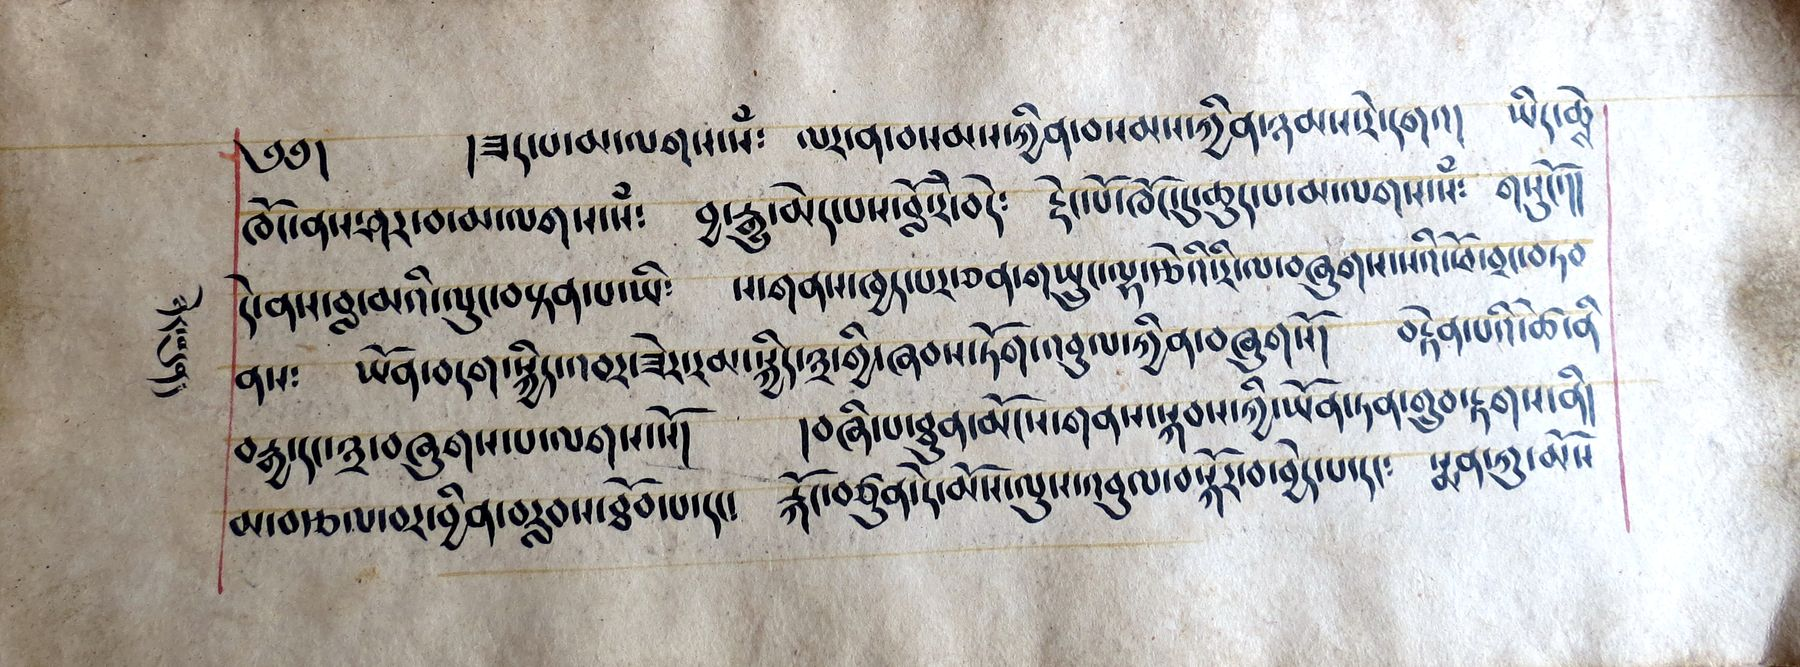ཟད་པ་མ་ལགས་སམ། ལར་ན་བསམ་གྱིན་བསམ་གྱིན་ཉམས་རེ་དགའ། ཡིད་ཆེས་
ཁོང་ནས་ཤར་བ་མ་ལགས་སམ། བྱ་རྒྱུ་མེད་པས་བློ་རེ་བདེ། གདེང་པོ་ཁོང་དུ་ཆུད་པ་མ་ལགས་སམ་གསུངས་སོ། །
དེ་ནས་བླ་མས་ལུང་བསྟན་པ་ཡི། ས་གནས་ཁྱད་པར་ཅན། གཡུང་དྲུང་ལྷ་རྩེའི་རི་ལ་བཞུགས་པའི་ཕོ་བྲང་བཏབ་
ནས། ཡོན་བདག་སྐྱིད་འབར་རམ་སྐྱིད་གསུམ་གྱིས་ཞབས་ཏོག་འབུལ་ཀྱིན་བཞུགས་སོ། །བརྟེན་པའི་ཚེ་ནི་
བརྒྱ་དང་གསུམ་བཞུགས་པ་ལགས་སོ། །བཞི་པ་ཐུན་མོང་གནས་སྐབས་ཀྱི་ཡོན་ཏན་གྲུབ་རྟགས་ནི། 
མ་བཙལ་བར་བྱིན་བརླབས་ཐོབ་པ་དང་། ཀོང་བཙུན་དེ་མོས་ལུས་འབུལ་སྐོར་བ་བྱེད་པ་དང་། སྨན་ཀུ་མོས་